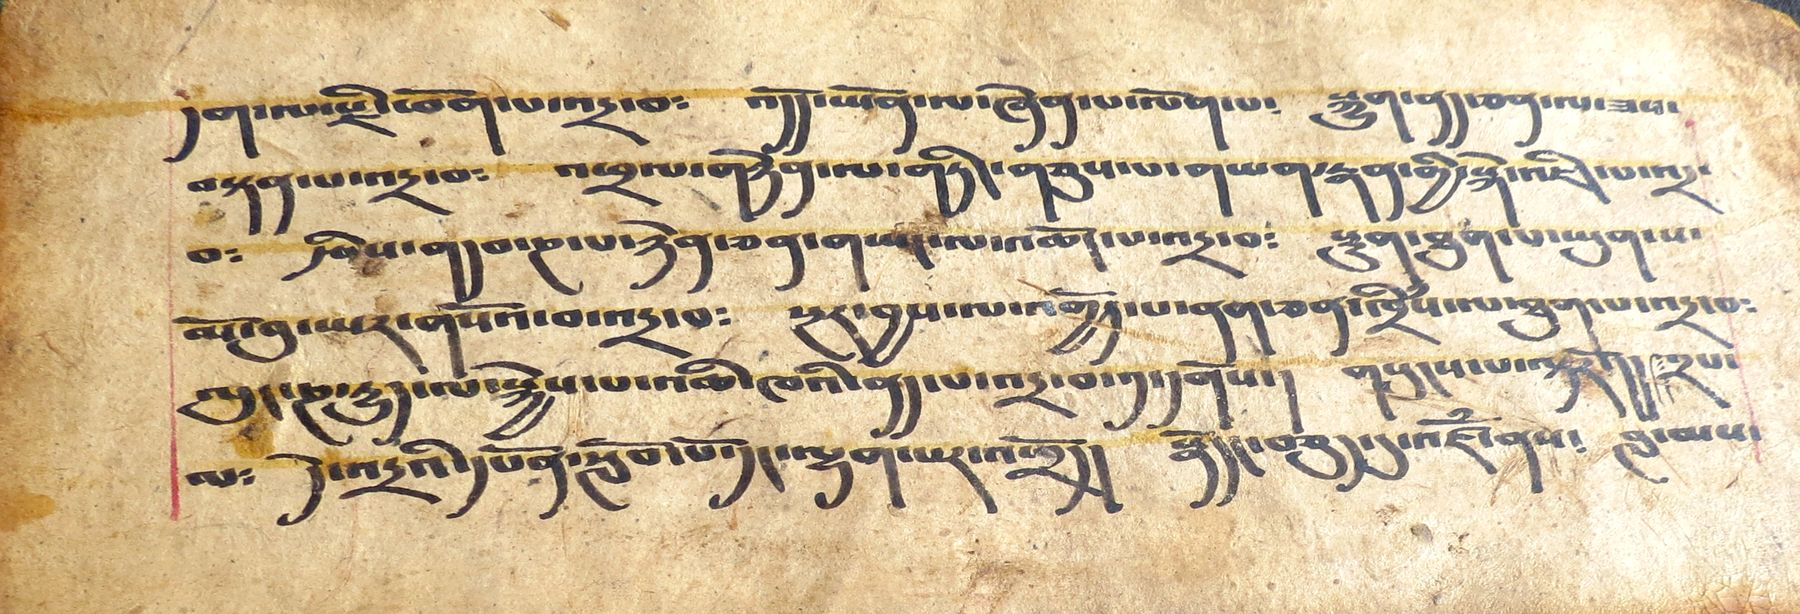དྭགས་ལ་རྫི་ཕོག་པ་འདྲ་བ། འདོད་ཡོན་ལ་ཞེ་ལོག་པ་སྐྱུགས་ནད་ཅན་ལ་ཟས་
བསྟན་པ་འདྲ་བ། འཕྲལ་གཉེན་ལ་གཏིང་གཅུས་པས་གཡག་རྒན་གྱི་སྐེ་འགྱིང་འདྲ་
བ། རྩིས་གདབ་མེད་པ་ཉེན་ཅན་གཡང་ལ་མཆོངས་པ་འདྲ་བ། སྡུག་ཐུབ་པ་ཡུགས་
མོས་བུ་ཡར་གསོ་བ་འདྲ་བ། སྔར་བྱས་ལ་འགྱོད་པ་ནག་ཅན་ཁྲིམས་ལ་ཐུག་པ་འདྲ་བ། 
ལོང་མེད་རྒྱུད་ལ་སྐྱེས་པ་འཆི་ཁའི་ནད་པ་འདྲ་བ་ཞིག་དགོས་གསུངས་པ་ལྟར་རོ། ། གཉིས་པ་༼བསྟེན་ཅིང་བཙའ་བ༽
ལ་དེ་འདྲའི་དཔོན་སློབ་སོ་དང་ལྟག་པར་འཕྲོད། སྣོད་དང་བཅུད་དུ་འཛོམས་ནས་བླ་མས་